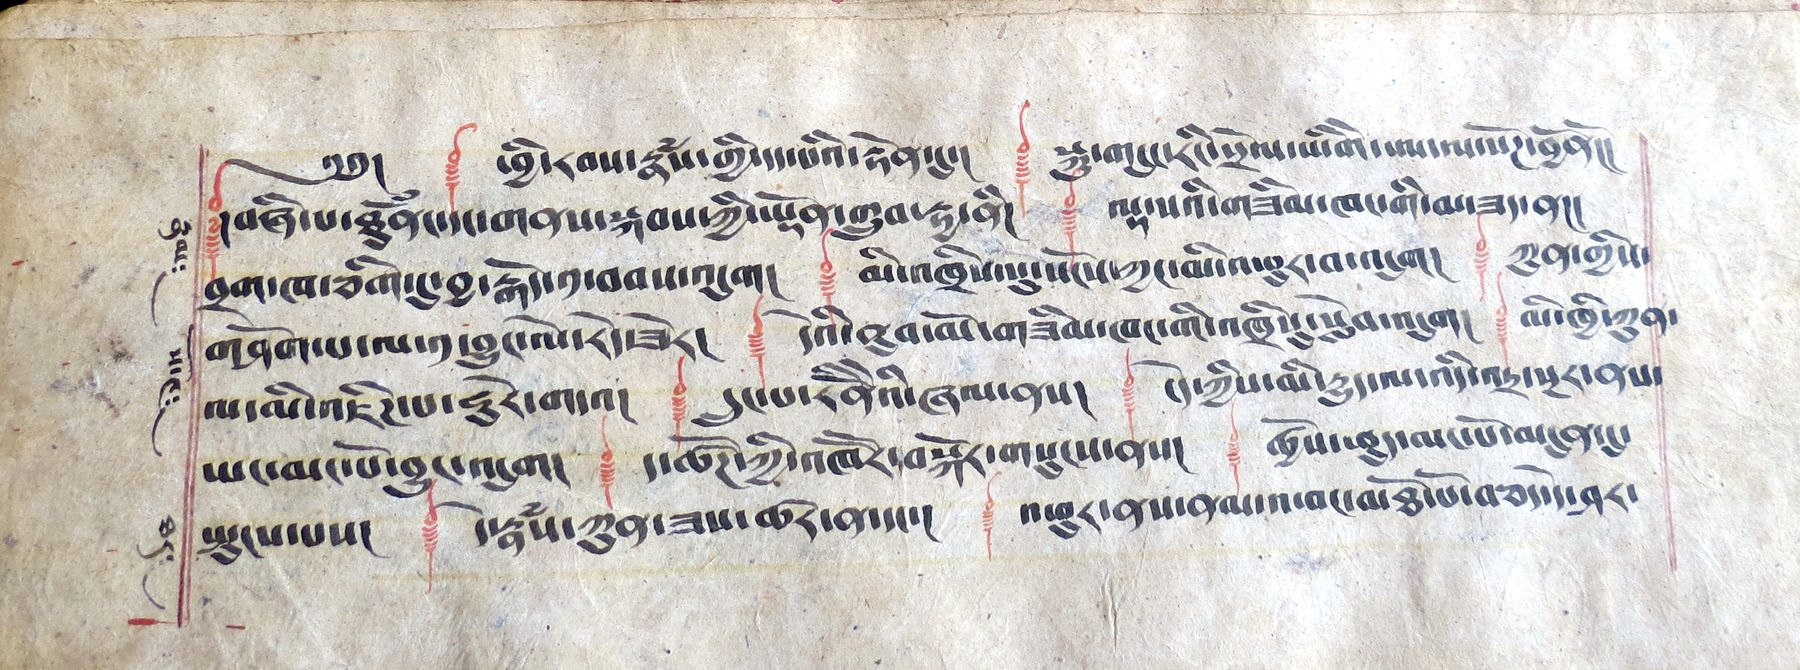ཕྱི་རབས་རྣམས་ཀྱི་དད་པའི་རྟེན་དུ། སྐུ་གདུང་རིང་བསྲེལ་ཡི་གེ་ཨ་ལས་སོགས་པ་བྱོན། 
བཞི་པ་ཐུན་མོང་དང་གནས་སྐབས་ཀྱི་ཡོན་ཏན་གྲུབ་རྟགས་ནི། ལྟ་སའི་གཟིམས་ཁང་གི་མ་ཟད་ན། 
བྲག་ཅིག་ཏུ་བྱ་རྒོད་ཅིག་བབས་འདུག མི་འཁྲིས་སུ་སོང་ཡང་མི་འཕུར་བ་འདུག ཀུན་གྱིས་
གཤོག་པ་ལ་གཅིག་བྱུང་ལེ་རེད་ཟེར། དེའི་ནུབ་མོ་གཟིམས་ཁང་གི་འཁྲིས་སུ་སླེབས་འདུག མི་ཁྱི་ཀུན་
ལ་མི་འཇིགས་པ་ཧུར་རེ་གདའ། དྲུང་པ་རིན་པོ་ཆེའི་ཞལ་ནས། ངེད་ཀྱི་རྒྱུད་ལ་འདི་འདྲ་སྔར་ནས་
ཡང་མང་པོ་བྱུང་འདུག ད་ཚོགས་ཀྱི་འཁོར་ལོ་བསྐོར་གསུངས་ནས། ཚོགས་ཕུད་མང་པོ་མདུན་དུ་
སྤུངས་པས། དེ་རྣམས་ཀུན་ཟས་ཚར་ན་དང་། འཕུར་ནས་ནམ་འཕང་མཐོན་པོར་བཅད་དེ། ཤར་